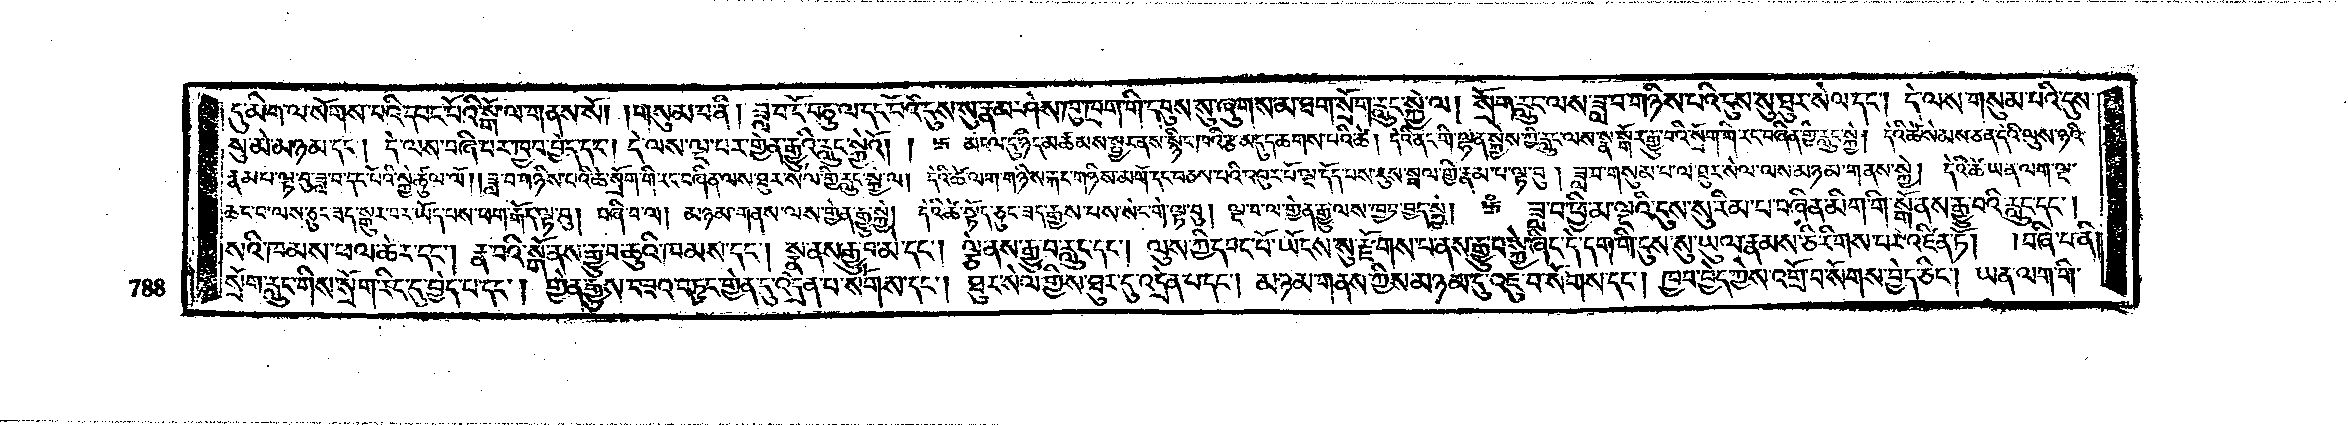དུ་མིག་ལ་སོགས་པའི་དབང་པོའི་སྒོ་ལ་གནས་སོ། །གསུམ་པ་ནི། ཟླ་བ་ངོ་བཅུ་ལ་དང་པོའི་དུས་སུ་རྣམ་ཤེས་ཁུ་ཁྲག་གི་དབུས་སུ་ཞུགས་མ་ཐག་སྲོག་རླུང་སྐྱེ་ལ། སྲོག་རླུང་ལས་ཟླ་བ་གཉིས་པའི་དུས་སུ་ཐུར་སེལ་དང་། དེ་ལས་གསུམ་པའི་དུས་
སུ་མེ་?་མཉམ་དང་། དེ་ལས་བཞི་པར་ཁྱབ་བྱེད་དང་། དེ་ལས་ལྔ་པར་གྱེན་རྒྱུའི་རླུང་སྐྱེའོ། ། +་?་མངལ་དུ་ཉིང་མཚམས་སྦྱར་ནས་སྙིང་ཁའི་རྩ་མདུད་ཆགས་པའི་ཚེ། དེའི་ནང་གི་ལྷན་སྐྱེས་ཀྱི་རླུང་ལས་སྣ་སྒོར་རྒྱུ་བའི་སྲོག་གི་རང་བཞིན་གྱི་རླུང་སྐྱེ། དེའི་ཚེ་སེམས་ཅན་དེའི་ལུས་ཉའི་
རྣམ་པ་ལྟ་བུ་ཟླ་བ་དང་པོའི་སྐྱེ་ཚུལ་ལོ། །ཟླ་བ་གཉིས་པའི་ཚེ་སྲོག་གི་རང་བཞིན་ལས་ཐུར་སེལ་གྱི་རླུང་སྐྱེ་ལ། དེའི་ཚེ་ལག་གཉིས་རྐང་གཉིས་མགོ་དང་བཅས་པའི་འབུར་པོ་ལྔ་དོད་པས་རུས་སྦལ་གྱི་རྣམ་པ་ལྟ་བུ། ཟླ་བ་གསུམ་པ་ལ་ཐུར་སེལ་ལས་མཉམ་གནས་སྐྱེ། དེའི་ཚེ་ཡན་ལག་ལྔ་
ཚང་བ་ལས་ཅུང་ཟད་སྒུར་བར་ཡོད་པས་ཕག་རྒོད་ལྟ་བུ། བཞི་པ་ལ། མཉམ་གནས་ལས་གྱེན་རྒྱུ་སྐྱེ། དེའི་ཚེ་སྟོད་ཅུང་ཟད་རྒྱས་པས་སེང་གེ་ལྟ་བུ། ལྔ་པ་ལ་གྱེན་རྒྱུ་ལས་ཁྱབ་བྱེད་སྐྱེ། +་?་ཟླ་བ་ཕྱི་མ་ལྔའི་དུས་སུ་རིམ་པ་བཞིན་མིག་གི་སྒོ་ནས་རྒྱུ་བའི་རླུང་དང་།
སའི་ཁམས་ཕལ་ཆེར་དང་། རྣ་བའི་སྒོ་ནས་རྒྱུ་བ་ཆུའི་ཁམས་དང་། སྣ་ནས་རྒྱུ་བ་མེ་དང་། ལྕེ་ནས་རྒྱུ་བ་རླུང་དང་། ལུས་ཀྱི་དབང་པོ་ཡོངས་སུ་རྫོགས་པ་ནས་རྒྱུ་བ་སྐྱེ་ཞིང་དེ་དག་གི་དུས་སུ་ཡུལ་རྣམས་ཅི་རིགས་པར་འཛིན་ཏོ། །བཞི་པ་ནི།
སྲོག་རླུང་གིས་སྲོག་རིང་དུ་བྱེད་པ་དང་། གྱེན་རྒྱུས་བཟའ་བཏུང་གྱེན་དུ་འདྲེན་པ་སོགས་དང་། ཐུར་སེལ་གྱིས་ཐུར་དུ་འདྲེན་པ་དང་། མཉམ་གནས་ཀྱིས་མཉམ་དུ་འཇུ་བ་སོགས་དང་། ཁྱབ་བྱེད་ཀྱིས་འགྲོ་བ་སོགས་བྱེད་ཅིང་། ཡན་ལག་གི་